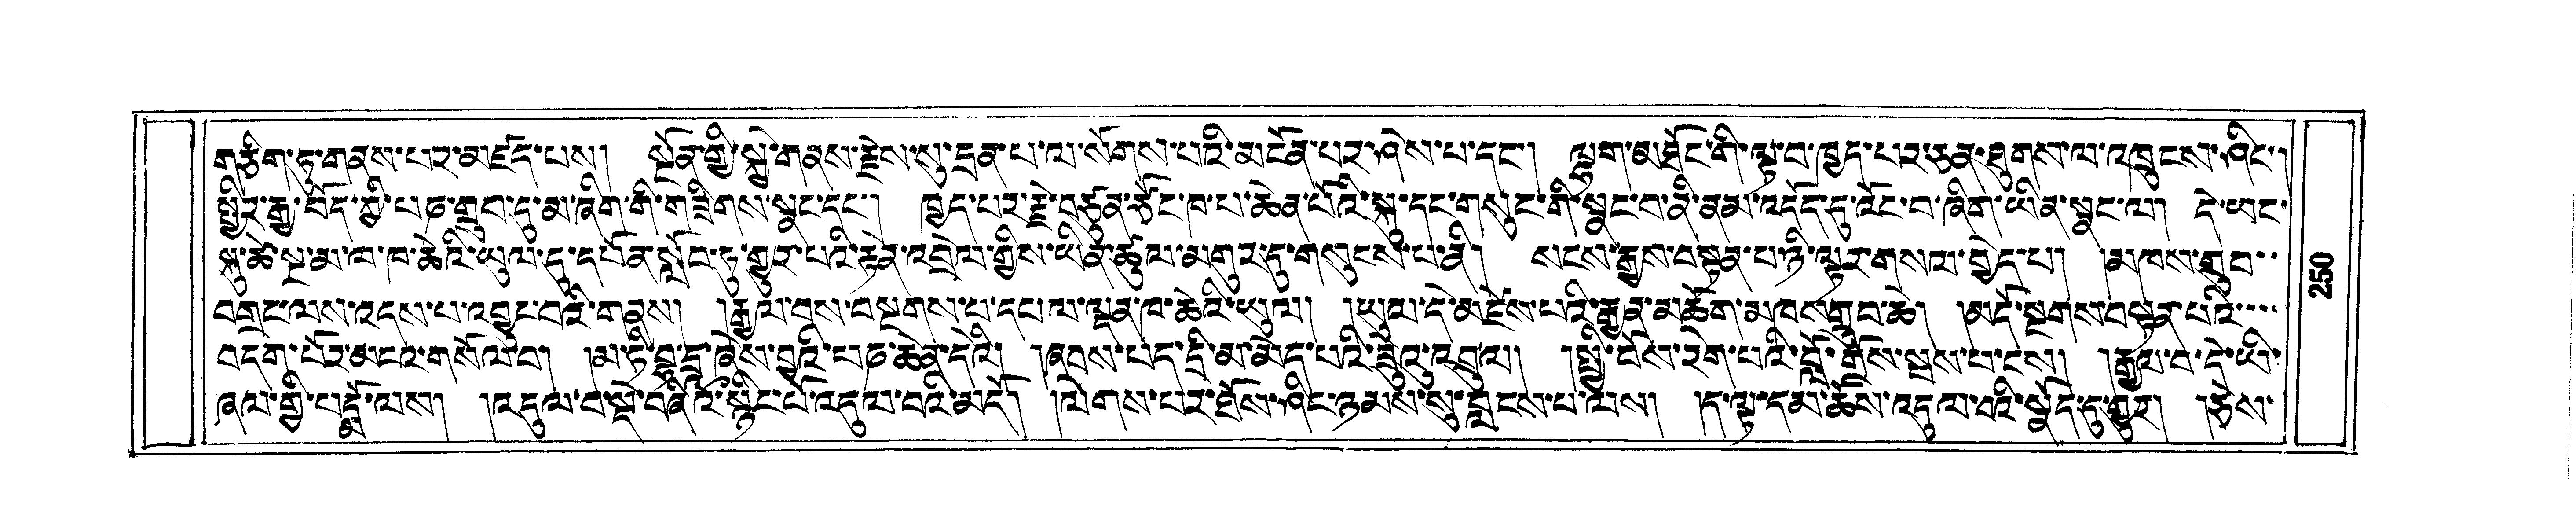གཅིག་ཏུ་གནས་པར་མཛད་པས། སྔོན་གྱིས་སྐྱེ་གནས་རྗེས་སུ་དྲན་པ་ལ་སོགས་པའི་མངོན་པར་ཤེས་པ་དང་། ལྷག་མཐོང་གི་ལྟ་བ་ཁྱབ་པར་ཅན་ཐུགས་ལ་འཁྲུངས་ཤིང་།
སྤྱི་རྒྱ་བོད་ཀྱི་པཎ་གྲུབ་དུ་མ་ཞིག་གི་གཟིགས་སྣང་དང་། ཁྱད་པར་རྗེ་བཙུན་ཙོང་ཁ་པ་ཆེན་པོའི་སྐུ་དང་གསུང་གི་སྣང་བ་ནི་ནམ་འདོད་ཏུ་འོང་བ་ཞིག་ཡིན་སྣང་ལ། དེ་ཡང་
སྐུ་ཚེ་སྔ་མ་ལ་ཁ་ཆེའི་ཡུལ་དུ་དཔོན་སློབ་ཏུ་གྱུར་པའི་རྟེན་འབྲེལ་གྱིས་ཡིན་ཚུལ་མགུར་དུ་གསུངས་པ་ནི། སངས་རྒྱས་བསྟན་པ་ཉི་ལྟར་གསལ་བྱེད་པ། །མཁས་གྲུབ་
བགྲང་ལས་འདས་པ་འབྱུང་བའི་གནས། །རྒྱལ་བས་བསྔགས་པ་དཔལ་ལྡན་ཁ་ཆེའི་ཡུལ། །ཡུལ་དེ་མཛེས་པའི་རྒྱན་མཆྒོ་མཁས་གྲུབ་ཆེ། །མདོ་སྔགས་བསྟན་པའི་
བདག་པོར་མངའ་གསོལ་བ། །མ་ཏི་བྷ་དྲ་ཞེས་བྱའི་པཎ་ཆེན་དེའི། །ཞབས་པད་དྲི་མ་མེད་པའི་ཟུའུ་འབྲུལ། །སྤྱི་བོས་རེག་པའི་བློ་གྲོས་སྦས་པ་ངས། །རྒྱལ་བ་དེ་ཡི་
ཞལ་གྱིས་པདམོ་ལས། །འདུལ་བ་སྡེ་བཞིཨཱྀ་སྙིང་པོ་འདུལ་བའི་མདོ། །ལེགས་པར་ཐོས་ཞིང་ཉམས་སུ་བླངས་པ་ལས། །ད་ལྟ་དམ་ཆོས་འདུལ་བའི་སྣོད་དུ་གྱུར། །ཅེ་